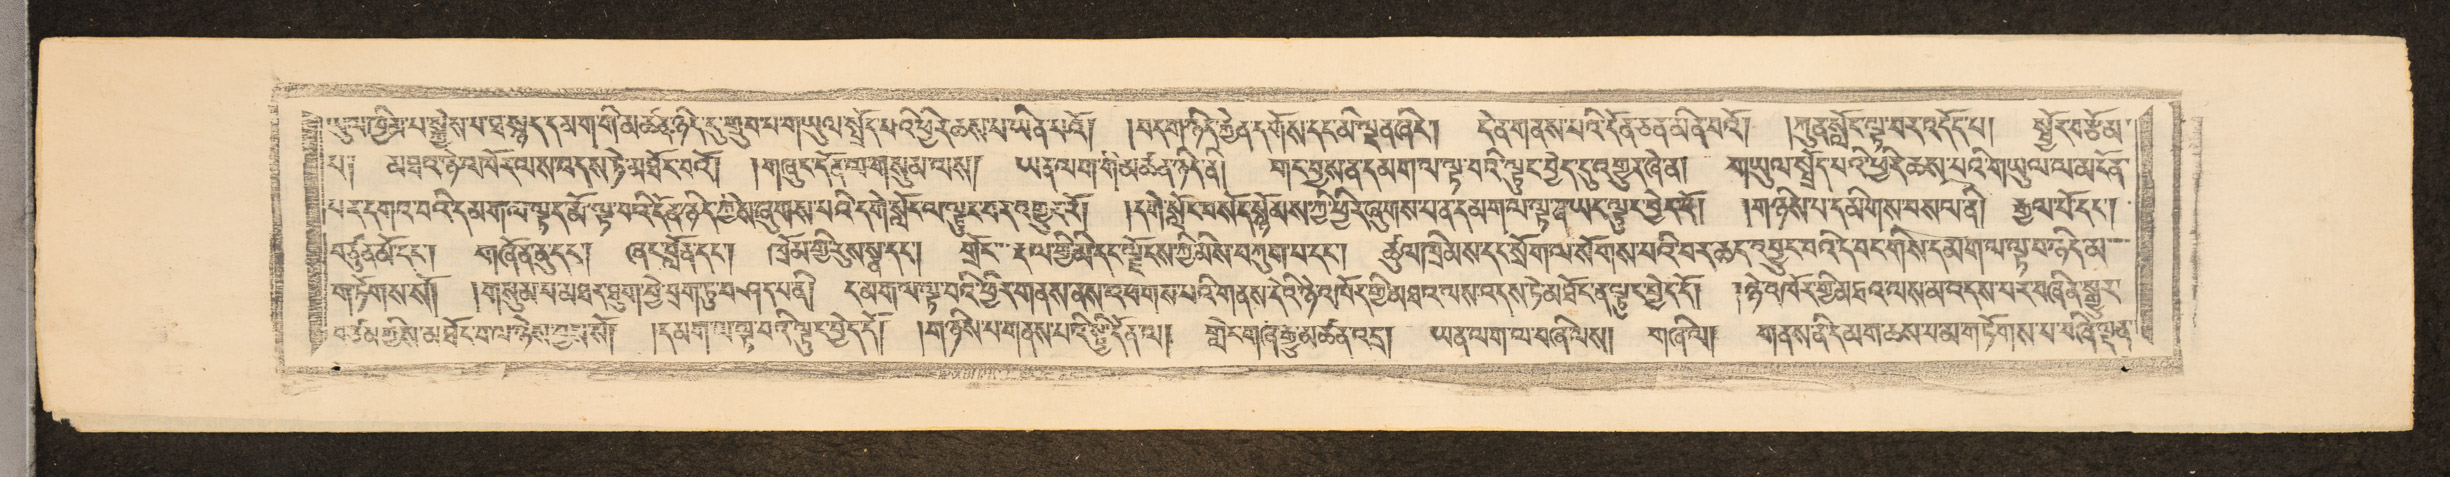ཡུལ་བྱིས་པ་སྐྱེས་པ་ཐ་སྙད་དམག་གི་མཚན་ཉིད་དུ་གྲུབ་པ་གཡུལ་སྤྲོད་པའི་ཕྱིར་ཆས་པ་ཡིན་པའོ། །བདག་ཉིད་རྐྱེན་དགོས་དང་མི་ལྡན་ཞིང་། དེན་གནས་པའི་དོན་ཅན་མིན་པའོ། །ཀུན་སློང་ལྟ་བར་འདོད་བ། སྦྱོར་བརྩོམ་
པ། མཐའ་ཉེ་འཁོར་ལས་འདས་ཏེ་མཐོང་བའོ། །གཞུང་དོན་ལ་གསུམ་ལས། ཡན་ལག་གི་མཚན་ཉིད་ནི། གང་བྱས་ན་དམག་ལ་ལྟ་བའི་ལྟུང་བྱེད་དུ་འགྱུར་ཞེ་ན། གཡུལ་སྤྲོད་པའི་ཕྱིར་ཆས་པའི་གཡུལ་ལ་མངོན་
པར་དགའ་བའི་དམག་ལ་ལྟད་མོ་ལྟ་བའི་དོན་ཉིད་ཀྱིས་ཞུགས་པའི་དགེ་སློང་ལ་ལྟུང་བར་འགྱུར་རོ། །དགེ་སློང་བསོད་སྙོམས་ཀྱི་ཕྱིར་ཞུགས་པ་ན་དམག་ལ་ལྟ་ན་ཡང་ལྟུང་བྱེད་དོ། །གཉིས་པ་དམིགས་བསལ་ནི། རྒྱལ་བོ་དང་།
བཙུན་མོ་དང་། གཞོན་ནུ་དང་། ཞང་བློན་དང་། ཁྲོམ་གྱི་རུས་སྣ་དང་། གྲོང་རྡལ་གྱི་མི་དང་ལྗོངས་ཀྱི་མིས་བཀུག་པ་དང་། ཚུལ་ཁྲིམས་དང་སོག་ལ་སོགས་པའི་བར་ཆད་འབྱུང་བའི་དབང་གིས་དམག་ལ་ལྟ་བ་ཉིད་མ་
གཏོགས་སོ། །གསུམ་པ་མཐར་ཐུག་བྱེ་བྲག་ཏུ་བཤད་པ་ནི། དམག་ལ་ལྟ་བའི་ཕྱིར་གནས་ནས་འཕགས་པའི་གནས་དེའི་ཉེ་འཁོར་གྱི་མཐའ་ལས་འདས་ཏེ་མཐོང་ན་ལྟུང་བྱེད་དོ། །ཉེ་འཁོར་གྱི་མཐའ་ལས་མ་འདས་པར་བཞིན་སྒྱུར་
བ་ཙམ་གྱིས་མཐོང་བ་ལ་ཉེས་བྱས་སོ། །དམག་ལ་ལྟ་བའི་ལྟུང་བྱེད་དོ། །གཉིས་པ་གནས་པའི་སྦྱི་དོན་ལ། གླེང་གཞི་རྒྱུ་མཚན་འདྲ། ཡན་ལག་ལ་བཞི་ལས། གཞི་ལ། གནས་ནི་དམག་ཆས་པ་མ་གཏོགས་པ་བཞི་ལྡན་